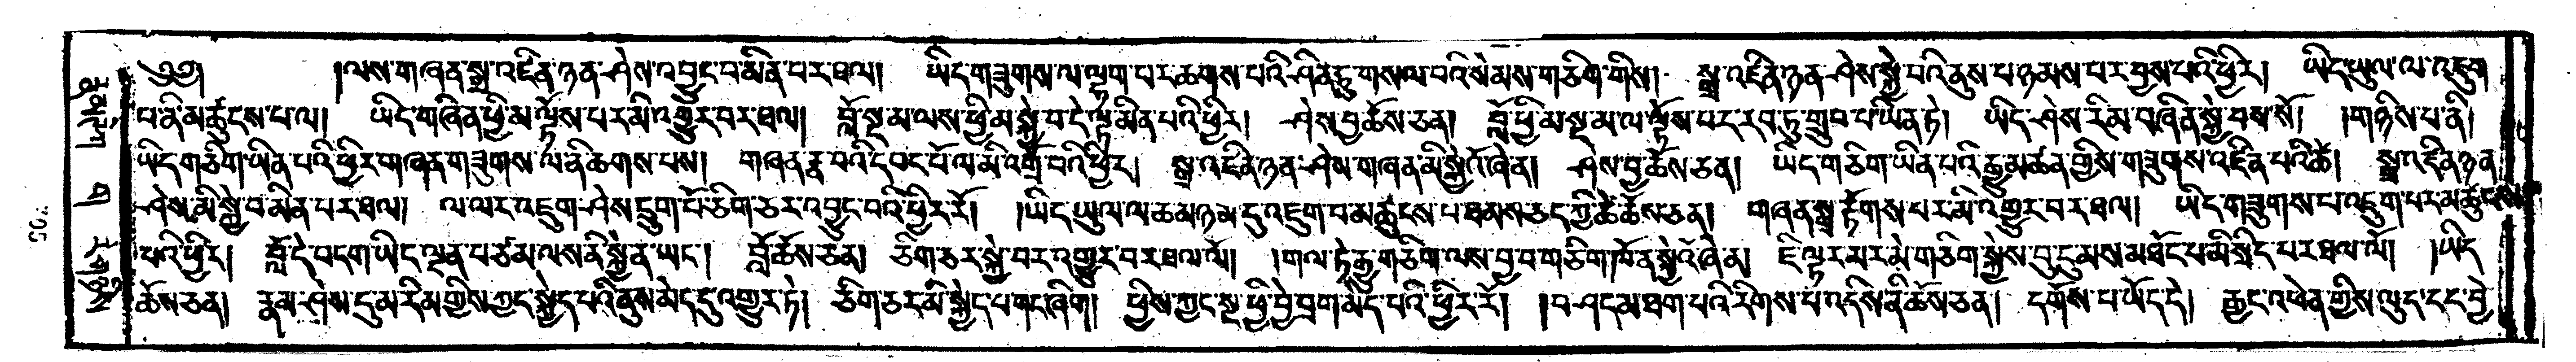༄༅། །ལས་གཞན་སྒྲ་འཛིན་ཉན་ཤེས་འབྱུང་བ་མིན་པར་ཐལ། ཡིད་གཟུགས་ལ་ལྷག་པར་ཆགས་པའི་ཤིན་ཏུ་གསལ་བའི་སེམས་གཅིག་གིས། སྒྲ་འཛིན་ཉན་ཤེས་སྐྱེ་བའི་ནུས་པ་ཉམས་པར་བྱས་པའི་ཕྱིར། ཡིད་ཡུལ་ལ་འཇུག་
པ་ནི་མཚུངས་པ་ལ། ཡིད་གཞིན་ཕྱི་མ་ལྟོས་པར་མི་འགྱུར་བར་ཐལ། བློ་སྔ་མ་ལས་ཕྱི་མ་སྐྱེ་བ་དེ་ལྟ་མིན་པའི་ཕྱིར། ཤེས་བྱ་ཆོས་ཅན། བློ་ཕྱི་མ་སྔ་མ་ལ་ལྟོས་པར་རབ་ཏུ་གྲུབ་པ་ཡིན་ཏེ། ཡིད་ཤེས་རིམ་བཞིན་སྐྱེ་བས་སོ། །གཉིས་པ་ནི།
ཡིད་གཅིག་ཡིན་པའི་ཕྱིར་གཞན་གཟུགས་ལ་ནི་ཆགས་པས། གཞན་རྣ་བའི་དབང་པོ་ལ་མི་འགྲོ་བའི་ཕྱིར། སྒྲ་འཛིན་ཉན་ཤེས་གཞན་མི་སྐྱེའོ་ཞེ་ན། ཤེས་བྱ་ཆོས་ཅན། ཡིད་གཅིག་ཡིན་པའི་རྒྱུ་མཚན་གྱིས་གཟུགས་འཛིན་པའི་ཚེ། སྒྲ་འཛིན་ཉན་
ཤེས་མི་སྐྱེ་བ་མིན་པར་ཐལ། ལ་ལར་འཇུག་ཤེས་དྲུག་པོ་ཅིག་ཅར་འབྱུང་བའི་ཕྱིར་རོ། །ཡིད་ཡུལ་ལ་ཆ་མཉམ་དུ་འཇུག་བ་མཚུངས་པ་ཐམས་ཅད་ཀྱི་ཚེ་ཆོས་ཅན། གཞན་སྒྲ་རྟོགས་པར་མི་འགྱུར་བར་ཐལ། ཡིད་གཟུགས་པ་འཇུག་པར་མཚུངས་
པའི་ཕྱིར། བློ་དེ་བདག་ཡིད་ལྡན་པ་ཙམ་ལས་ནི་སྐྱེ་ན་ཡང་། བློ་ཆོས་ཅན། ཅིག་ཅར་སྐྱེ་བར་འགྱུར་བར་ཐལ་ལོ། །གལ་ཏེ་རྒྱུ་གཅིག་ལས་བྱ་བ་གཅིག་ཁོ་ན་སྐྱེའོ་ཞེ་ན། ཇི་ལྟར་མར་མེ་གཅིག་སྐྱེས་བུ་དུ་མས་མཐོང་པ་མི་སྲིད་པར་ཐལ་ལོ། །ཡིད་
ཆོས་ཅན། རྣམ་ཤེས་དུ་མ་རིམ་གྱིས་ཀྱང་སྐྱེད་པའི་ནུས་མེད་དུ་འགྱུར་ཏེ། ཅིག་ཅར་མི་སྐྱེད་པ་གང་ཞིག། ཕྱིས་ཀྱང་སྔ་ཕྱི་བྱེ་བྲག་མེད་པའི་ཕྱིར་རོ། །བཤད་མ་ཐག་པའི་རིགས་པ་འདིས་ནི་ཆོས་ཅན། དགོས་པ་ཡོད་དེ། རྒྱང་འཕེན་གྱིས་ལུད་དང་བྱེ་